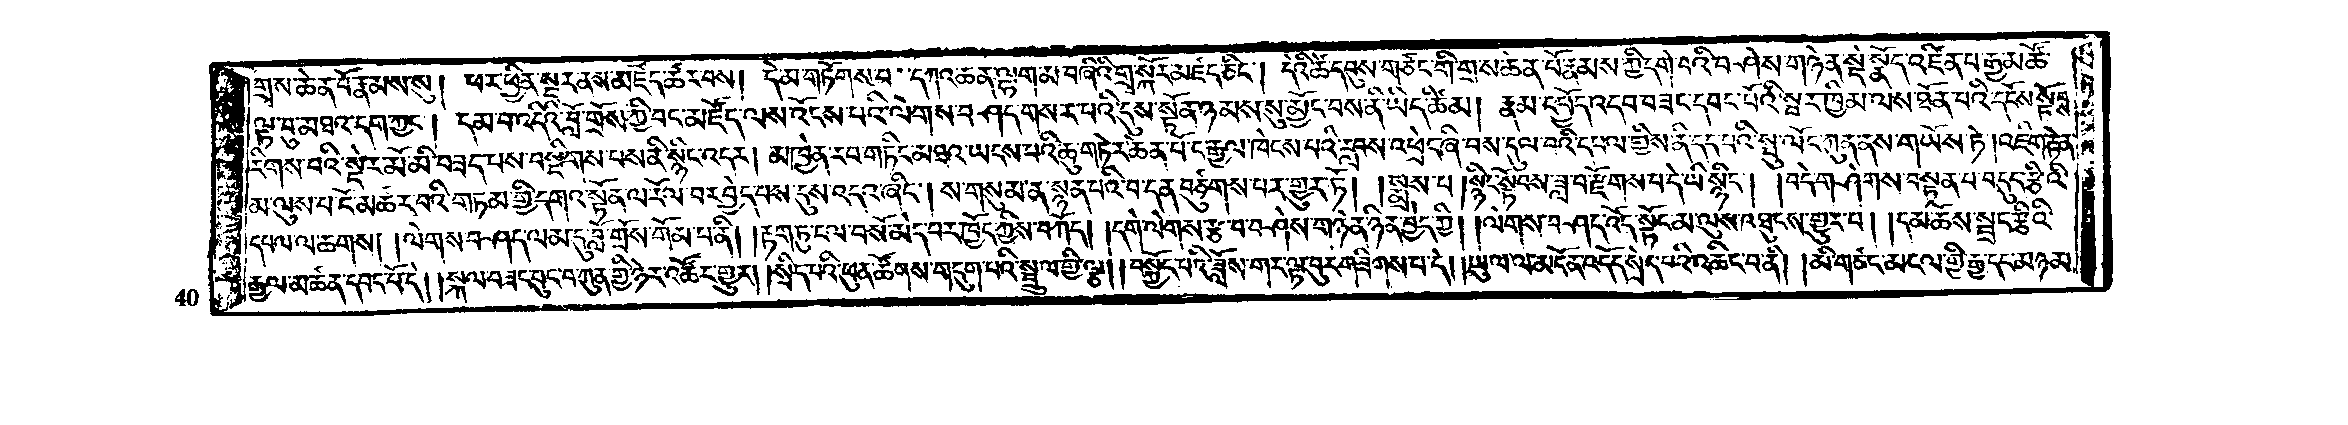གྲྭ་ས་ཆེན་པོ་རྣམས་སུ། ཕར་ཕྱིན་སྔར་ནས་མཛེད་ཚར་བས། དེ་མ་གཏོགས་པ་བཀའ་ཆན་ལྷག་མ་བཞིའི་གྲྭ་སྐོར་མཛད་ཅིང་། དེའི་ཚེ་དབུས་གཙང་གི་གྲྭ་ས་ཆེན་པོ་རྣམས་ཀྱི་དགེ་བའི་བཤེས་གཉེན་སྡེ་སྣོད་འཛིན་པ་རྒྱ་མཚོ་
ལྟ་བུ་མཐའ་དག་ཀྱང་། དམ་པ་འདིའི་བློ་གྲོས་ཀྱི་བང་མཛོད་ལས་འོངས་པའི་ལེགས་བཤད་གསར་པའི་དུས་སྟོན་ཉམས་སུ་མྱོང་བས་ནི་ཡིད་ཚིམ། རྣམ་དཔྱོད་འདབ་བཟང་དབང་པོའི་སྤར་ཁྱིམ་ལས་ཐོན་པའི་དངོས་སྟོབས་
རིགས་པའི་སྡེར་མོ་མི་བཟད་པས་བསྡིགས་པས་ནི་སྙིང་འདིར། མཁྱེན་རབ་གཏིང་མཐའ་ཡངས་པའི་ཆུ་གཏེར་ཆེན་པོ་ང་རྒྱལ་ཁེངས་པའི་རླབས་འཕྲེང་ཞི་བས་དུལ་བའི་དཔལ་གྱི་ནི་དད་པའི་སྤུ་ལོང་ཀུན་ནས་གཡོས་ཏེ། འཇིག་རྟེན་
མ་ལུས་པ་ངོ་མཚར་བའི་གཏམ་གྱི་དགའ་སྟོན་ལ་རོལ་བར་བྱེད་པས་དུས་འདའ་ཞིང་། ས་གསུམ་ན་སྙན་པའི་བ་དན་བཙུགས་པར་གྱུར་ཏེ། །སྨྲས་པ། སྙིང་སྟོབས་ཟླ་བ་རྫོགས་པ་དེ་ཡི་སྙིང་། །བདེ་གཤེགས་བསྟན་པ་བདུད་རྩིའི་
དཔལ་ལ་ཆགས། །ལེགས་བཤད་ལམ་དུ་བློ་གྲོས་གོམ་པ་ནི། །རྟག་ཏུ་ངལ་བསོ་མེད་པར་ཁྱོད་ཀྱིས་བཀོད། །དགེ་ལེགས་རྩ་བ་བཤེས་གཉེན་ཉིན་བྱེད་ཀྱི། །ལེགས་བཤད་འོད་སྟོང་མ་ལུས་འཐུངས་གྱུར་པ། །དམ་ཆོས་སྦྲང་རྩིའི་
རྒྱལ་མཚན་དབང་པོ་དེ། །སྐལ་བཟང་པྦུང་བ་ཀུན་གྱི་ཉེ་འཚོར་གྱུར། །སྲིད་པའི་ཕུན་ཚོགས་གདུག་པའི་སྤྲུལ་གྱི་ལྕ། །བསྐྱོད་པའི་ཟློས་གར་ལྟ་བུར་གཟིགས་པ་དེ། །ཡུལ་ལ་མངོན་འདོད་སྲེད་པའི་འཆིང་བ་ནི། །མི་གཙང་མངལ་གྱི་རྒྱ་དང་མཉམ་